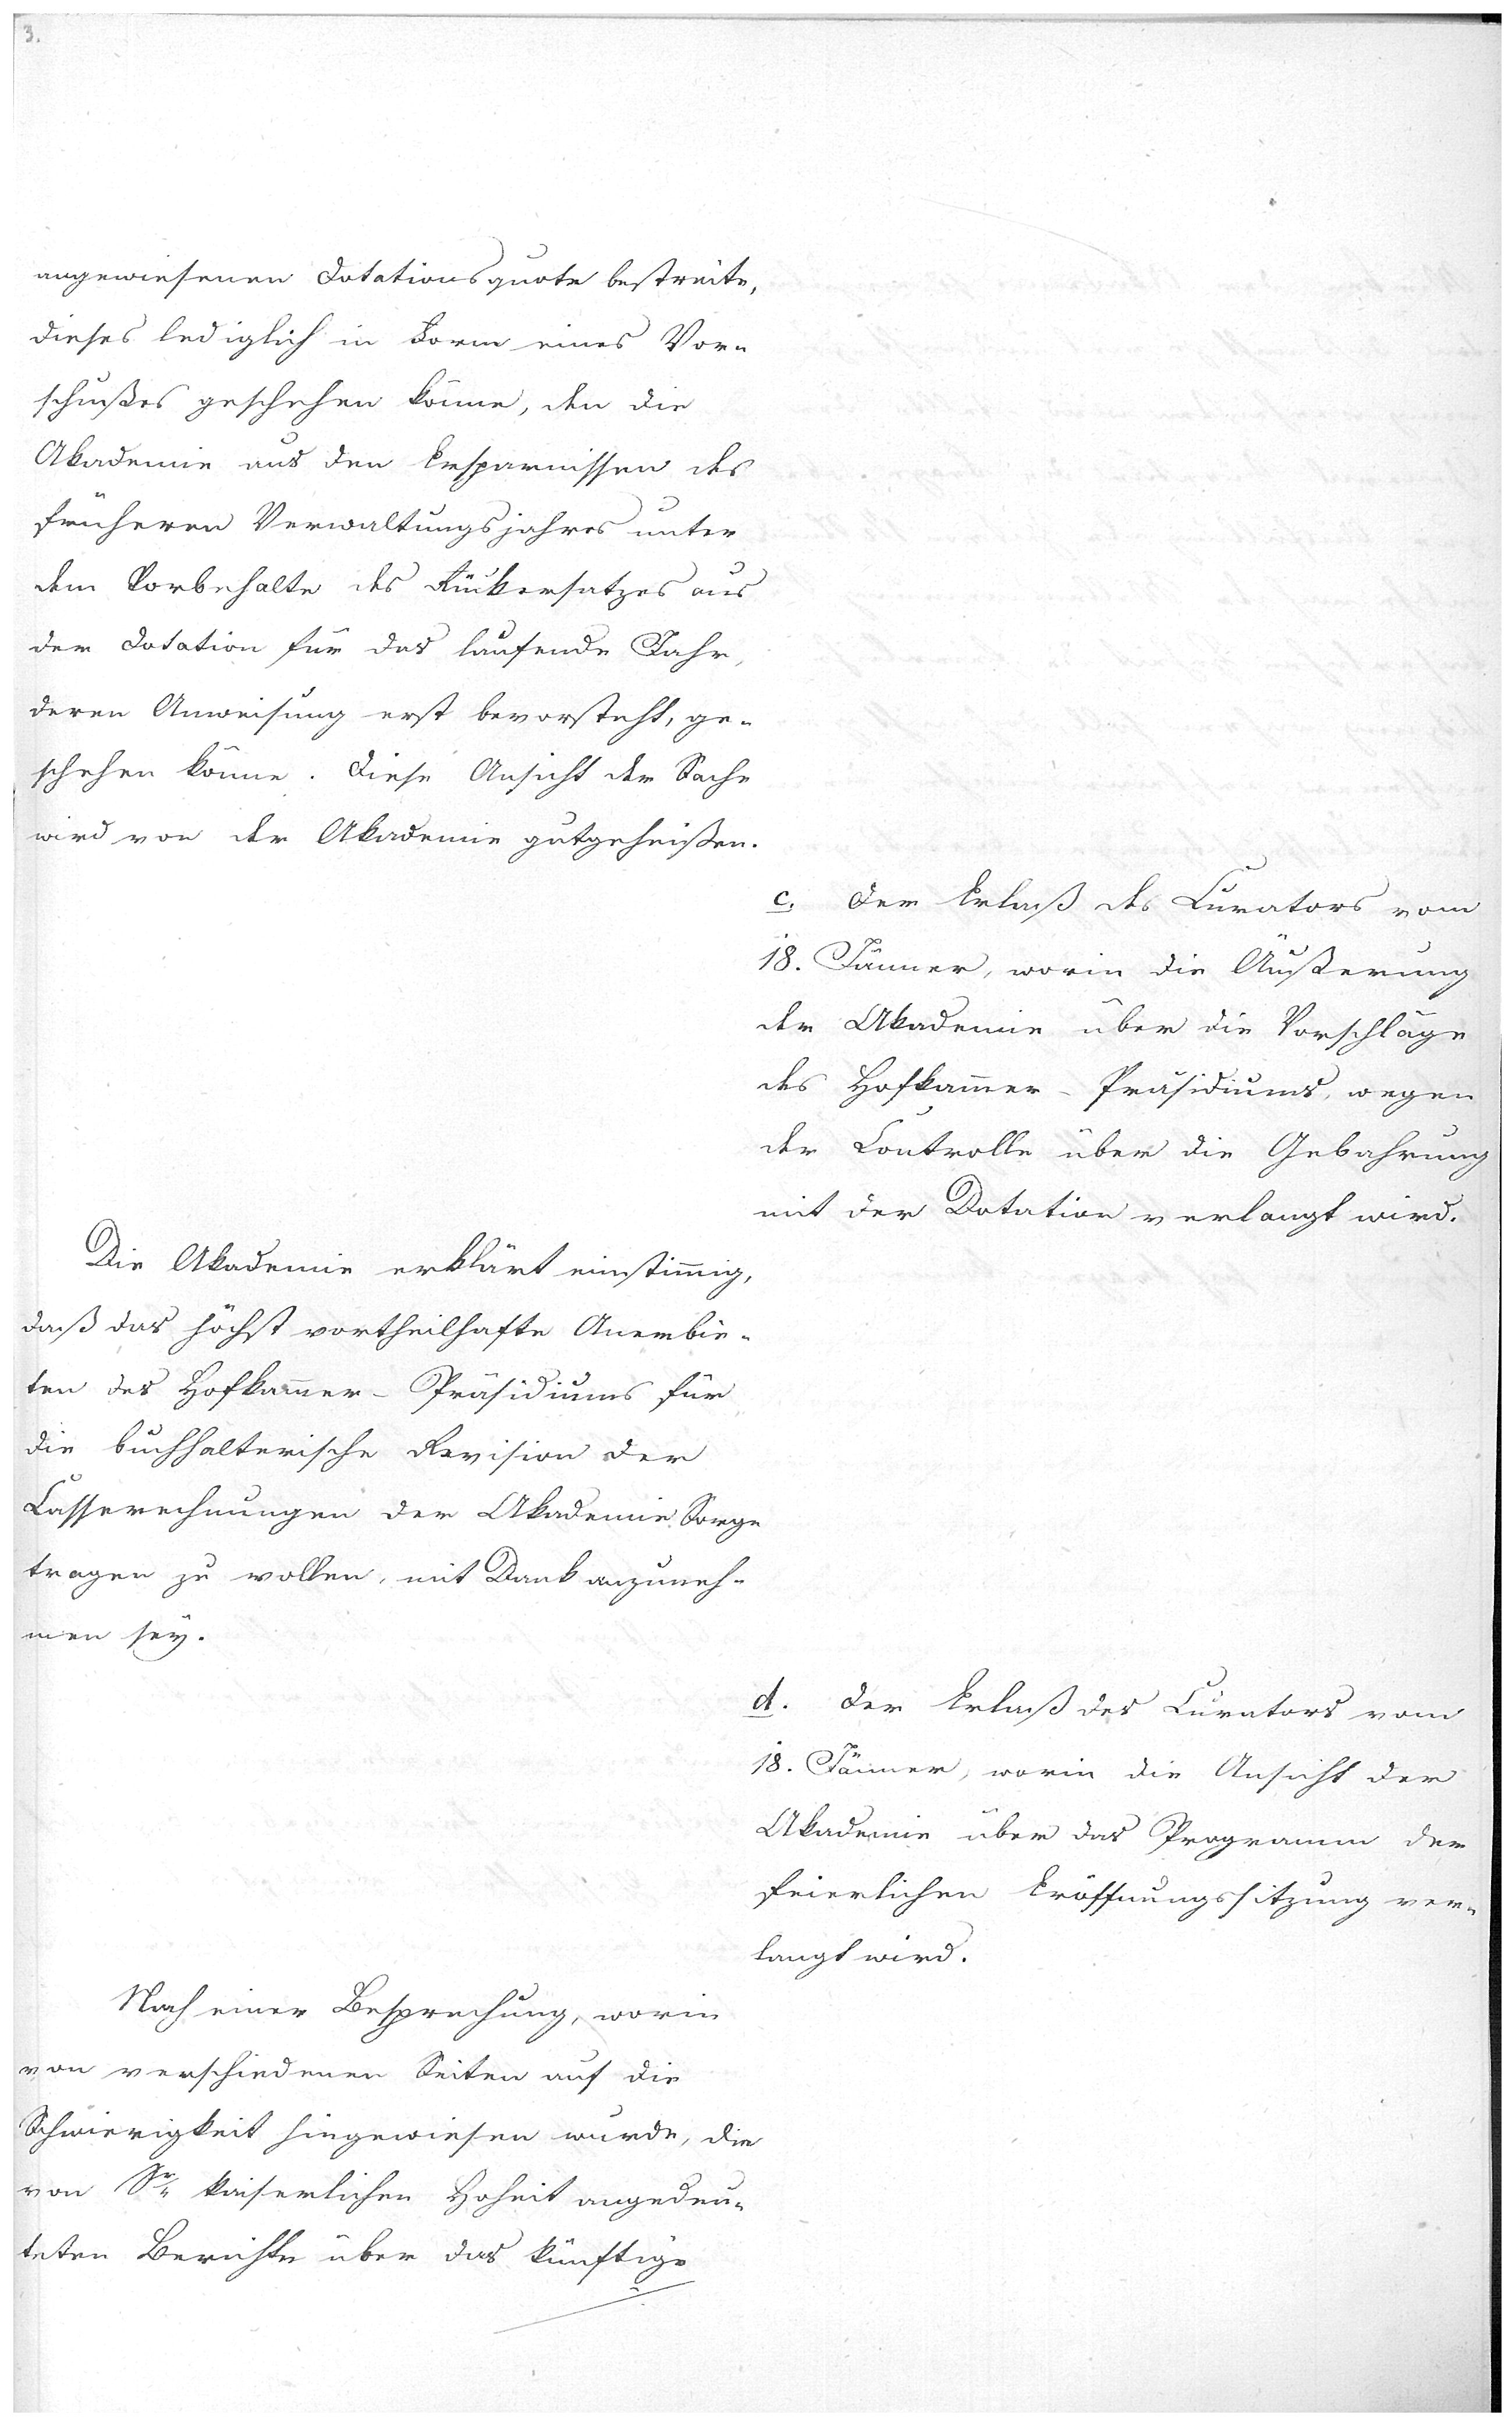angewiesenen Dotationsquote bestreite,
dieses lediglich in Form eines Vor-
schußes geschehen könne, den die
Akademie aus den Ersparnissen des
früheren Verwaltungsjahres unter
dem Vorbehalte des Rückersatzes aus
der Dotation für das laufende Jahr
deren Anweisung erst bevorsteht, ge-
schehen könne. Diese Ansicht der Sache
wird von der Akademie gutgeheiße.
c. Der Erlaß des Curators vom
18. Jänner, worin die Äußerung
der Akademie über die Vorschläge
des Hofkammer-Präsidiums wegen
der Controlle über die Gebahrung
mit der Dotation verlangt wird.
Die Akademie erklärt einstimmig,
daß das höchst vortheilhafte Anerbie-
ten des HOfkammer-Präsidiums für
die buhchalterische Revision der
Casserechnungen der Akademie Sorge
tragen zu wollen, mit Dank anzuneh-
men sey.
d. Der Erlaß des Curators vom
18. Jänner, worin die Ansicht der
Akademie über das Programm der
feierlichen Eröffnungssitzung ver-
langt wird.
Nach einer Besprechung, worin
von verschiedenen Seiten auf die
Schwierigkeit hingewiesen wurde, die
von Sr. kaiserlichen Hoheit angedeu.
teten Berichte über das künftige